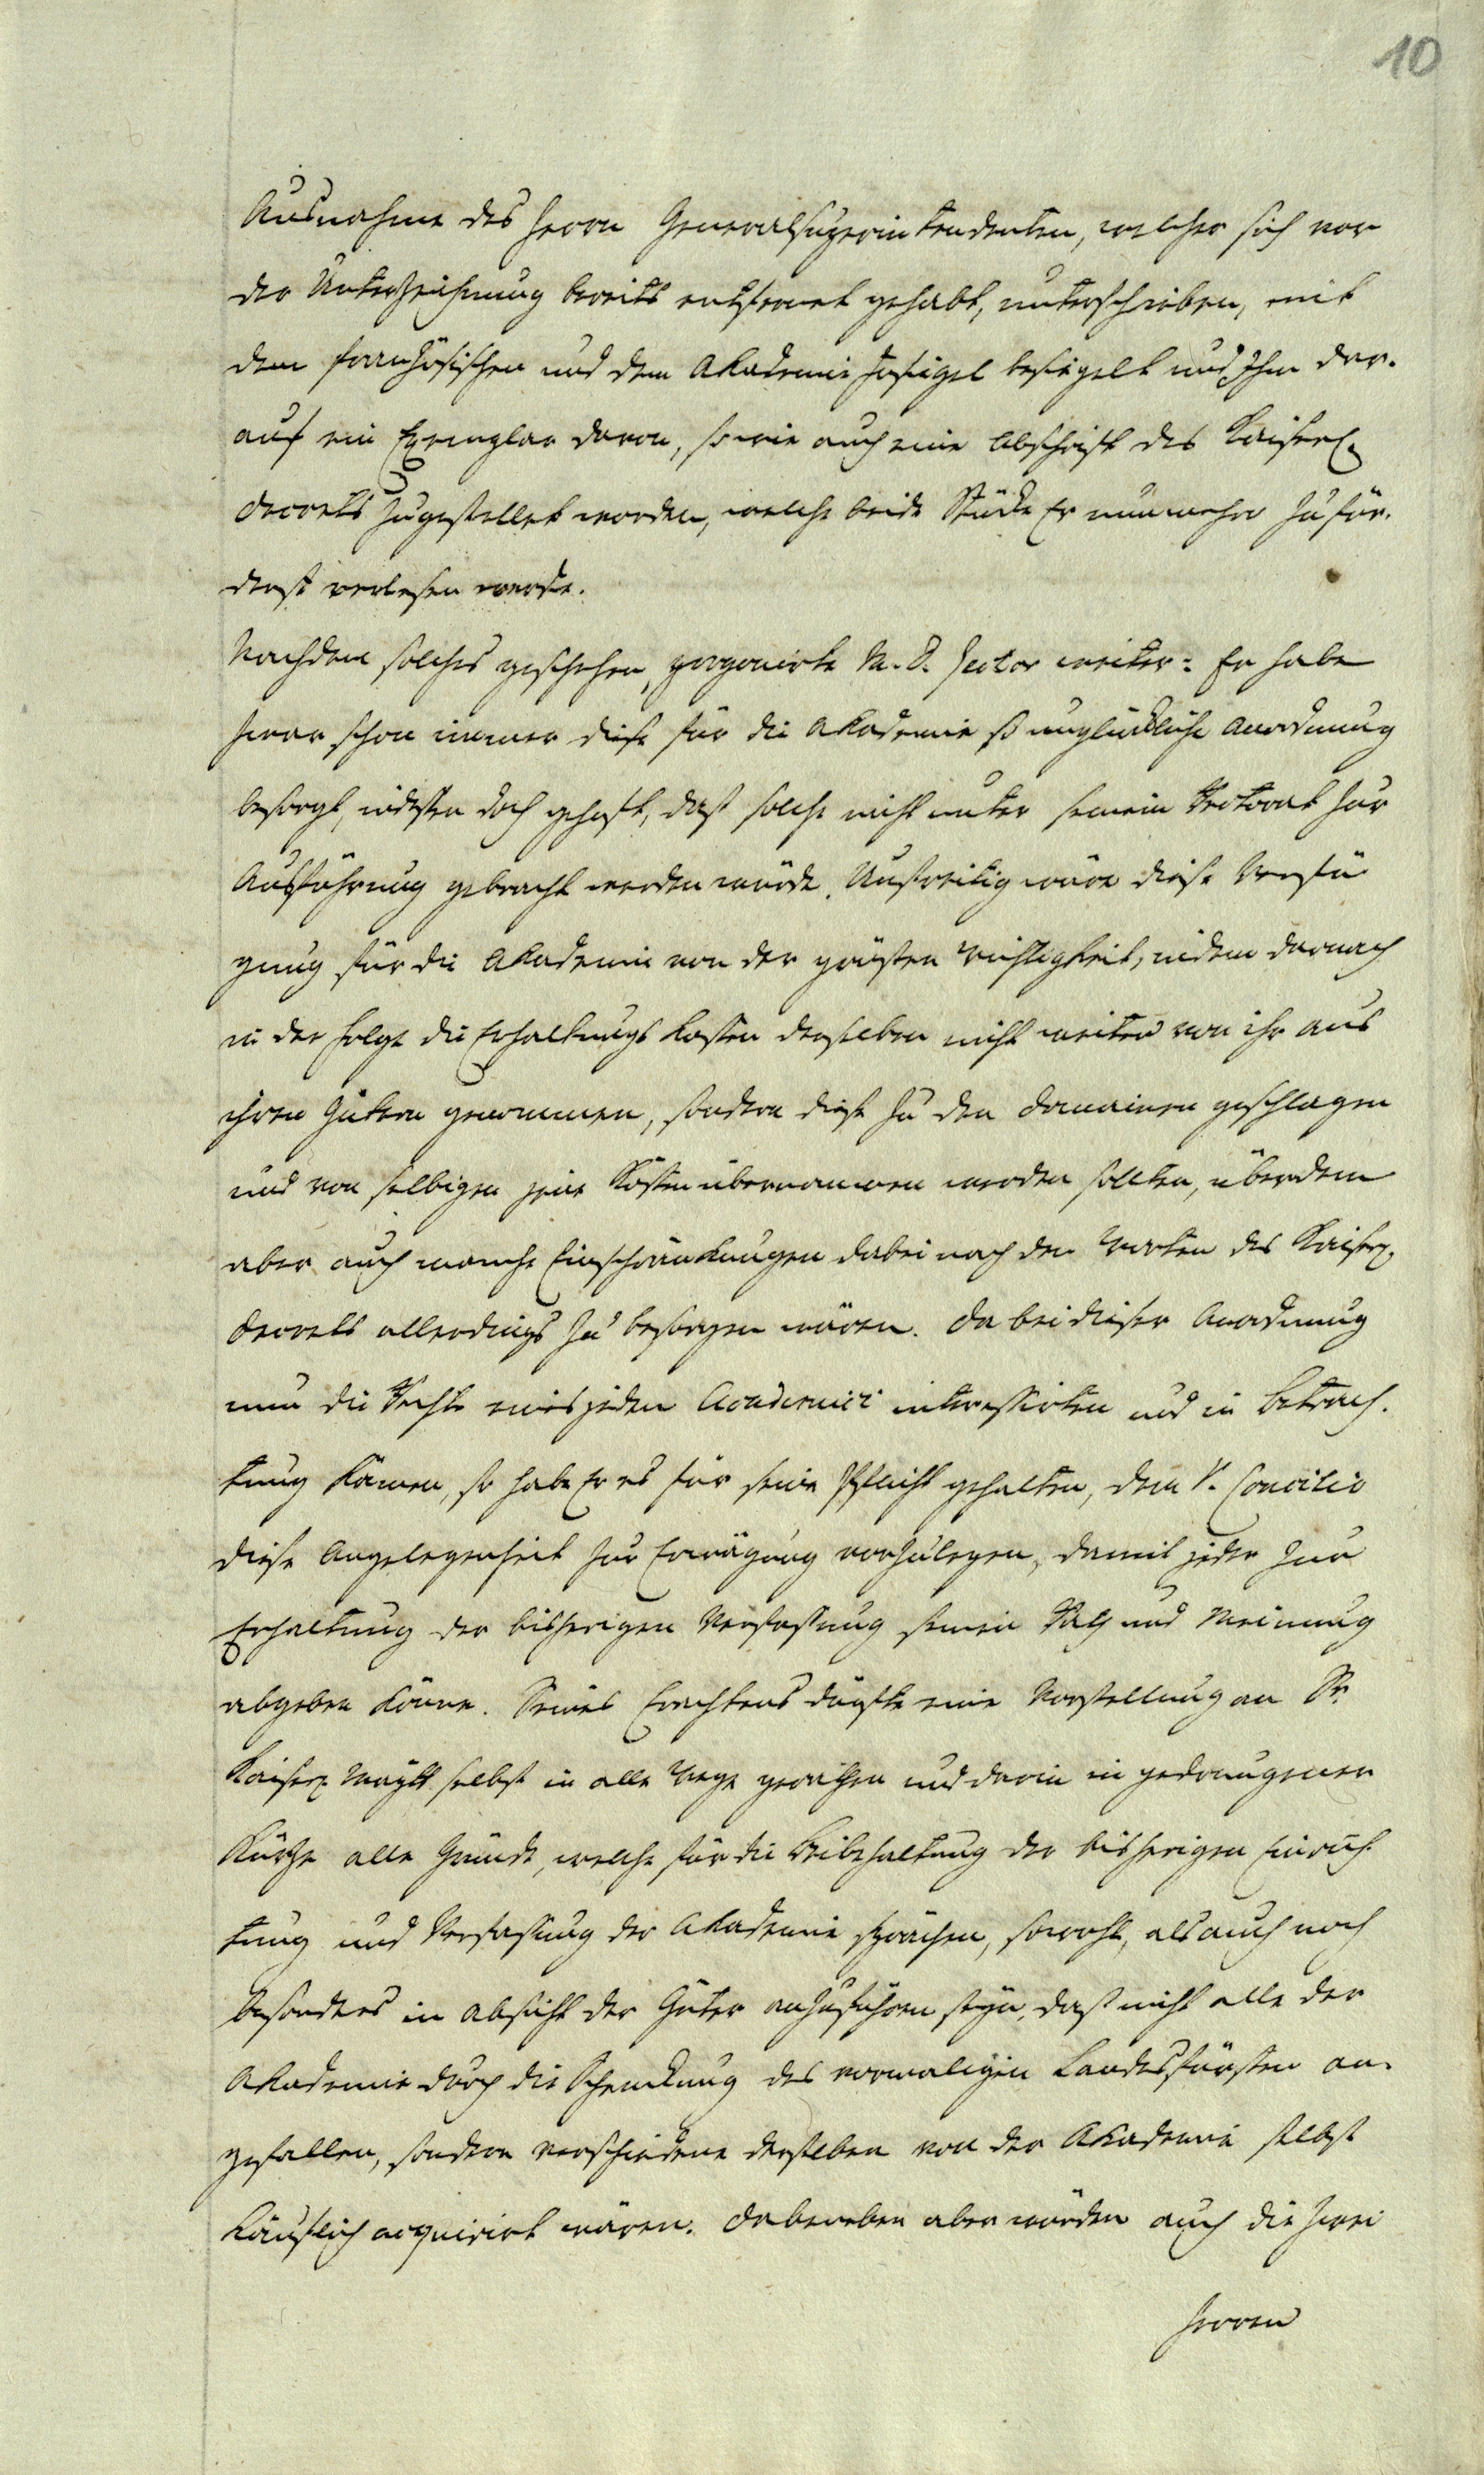Ausnahme des Herrn Generalsuperintendenten, welcher sich vor
der Unterzeichnung bereits entfernet gehabt, unterschrieben, mit
dem französischen und dem Akademie Insiegel besiegelt und Ihm dar¬
auf ein Exemplar davon, so wie auch eine Abschrift des Kaiserl.
Decrets zugestellet worden, welche beide Stücke Er nunmehro zuför¬
derst verlesen werde.
Nachdem solches geschehen, proponirte M. D. Rector weiter: Er habe
zwar schon immer diese für die Akademie so glückliche Anordnung
besorgt, indessen doch gehoft, daß solche nicht unter seinem Rectorat zur
Ausführung gebracht werden würde. Unstreitig wäre diese Verfü¬
gung für die Akademie von der grösten Wichtigkeit, indem darnach
in der Folge die Erhaltungskosten derselben nicht weiter von ihr aus
ihren Gütern genommen, sondern diese zu den Domainen geschlagen
und von selbigen jene Kosten übernommen werden sollten, überdem
aber auch manche Einschränkungen dabei nach den Worten des Kaiser.
Decrets allerdings zu besorgen wären. Da bei dieser Anordnung
nun die Rechte eines jeden Academici interessirten und in Betrach¬
tung kämen, so habe Er es für seine Pflicht gehalten, dem V. Concilio
diese Angelegenheit zur Erwägung vorzulegen, damit jeder zur
Erhaltung der bisherigen Verfassung seinen Rath und Meinung
abgeben könne. Seines Erachtens dürfte eine Vorstellung an Sr.
Kaiser. Maÿtt. selbst in alle Wege gerathen und darin in gedrungener
Kürze alle Gründe, welche für die Beibehaltung der bisherigen Einrich¬
tung und Verfassung der Akademie sprächen, sowohl, als auch noch
besonders in Absicht der Güter anzuführen seÿn, daß nicht alle der
Akademie durch die Schenkung des vormaligen Landesfürsten an¬
gefallen, sondern verschiedene derselben von der Akademie selbst
käuflich acquirirt wären. Dabeneben aber würden auch die zwei
Herren